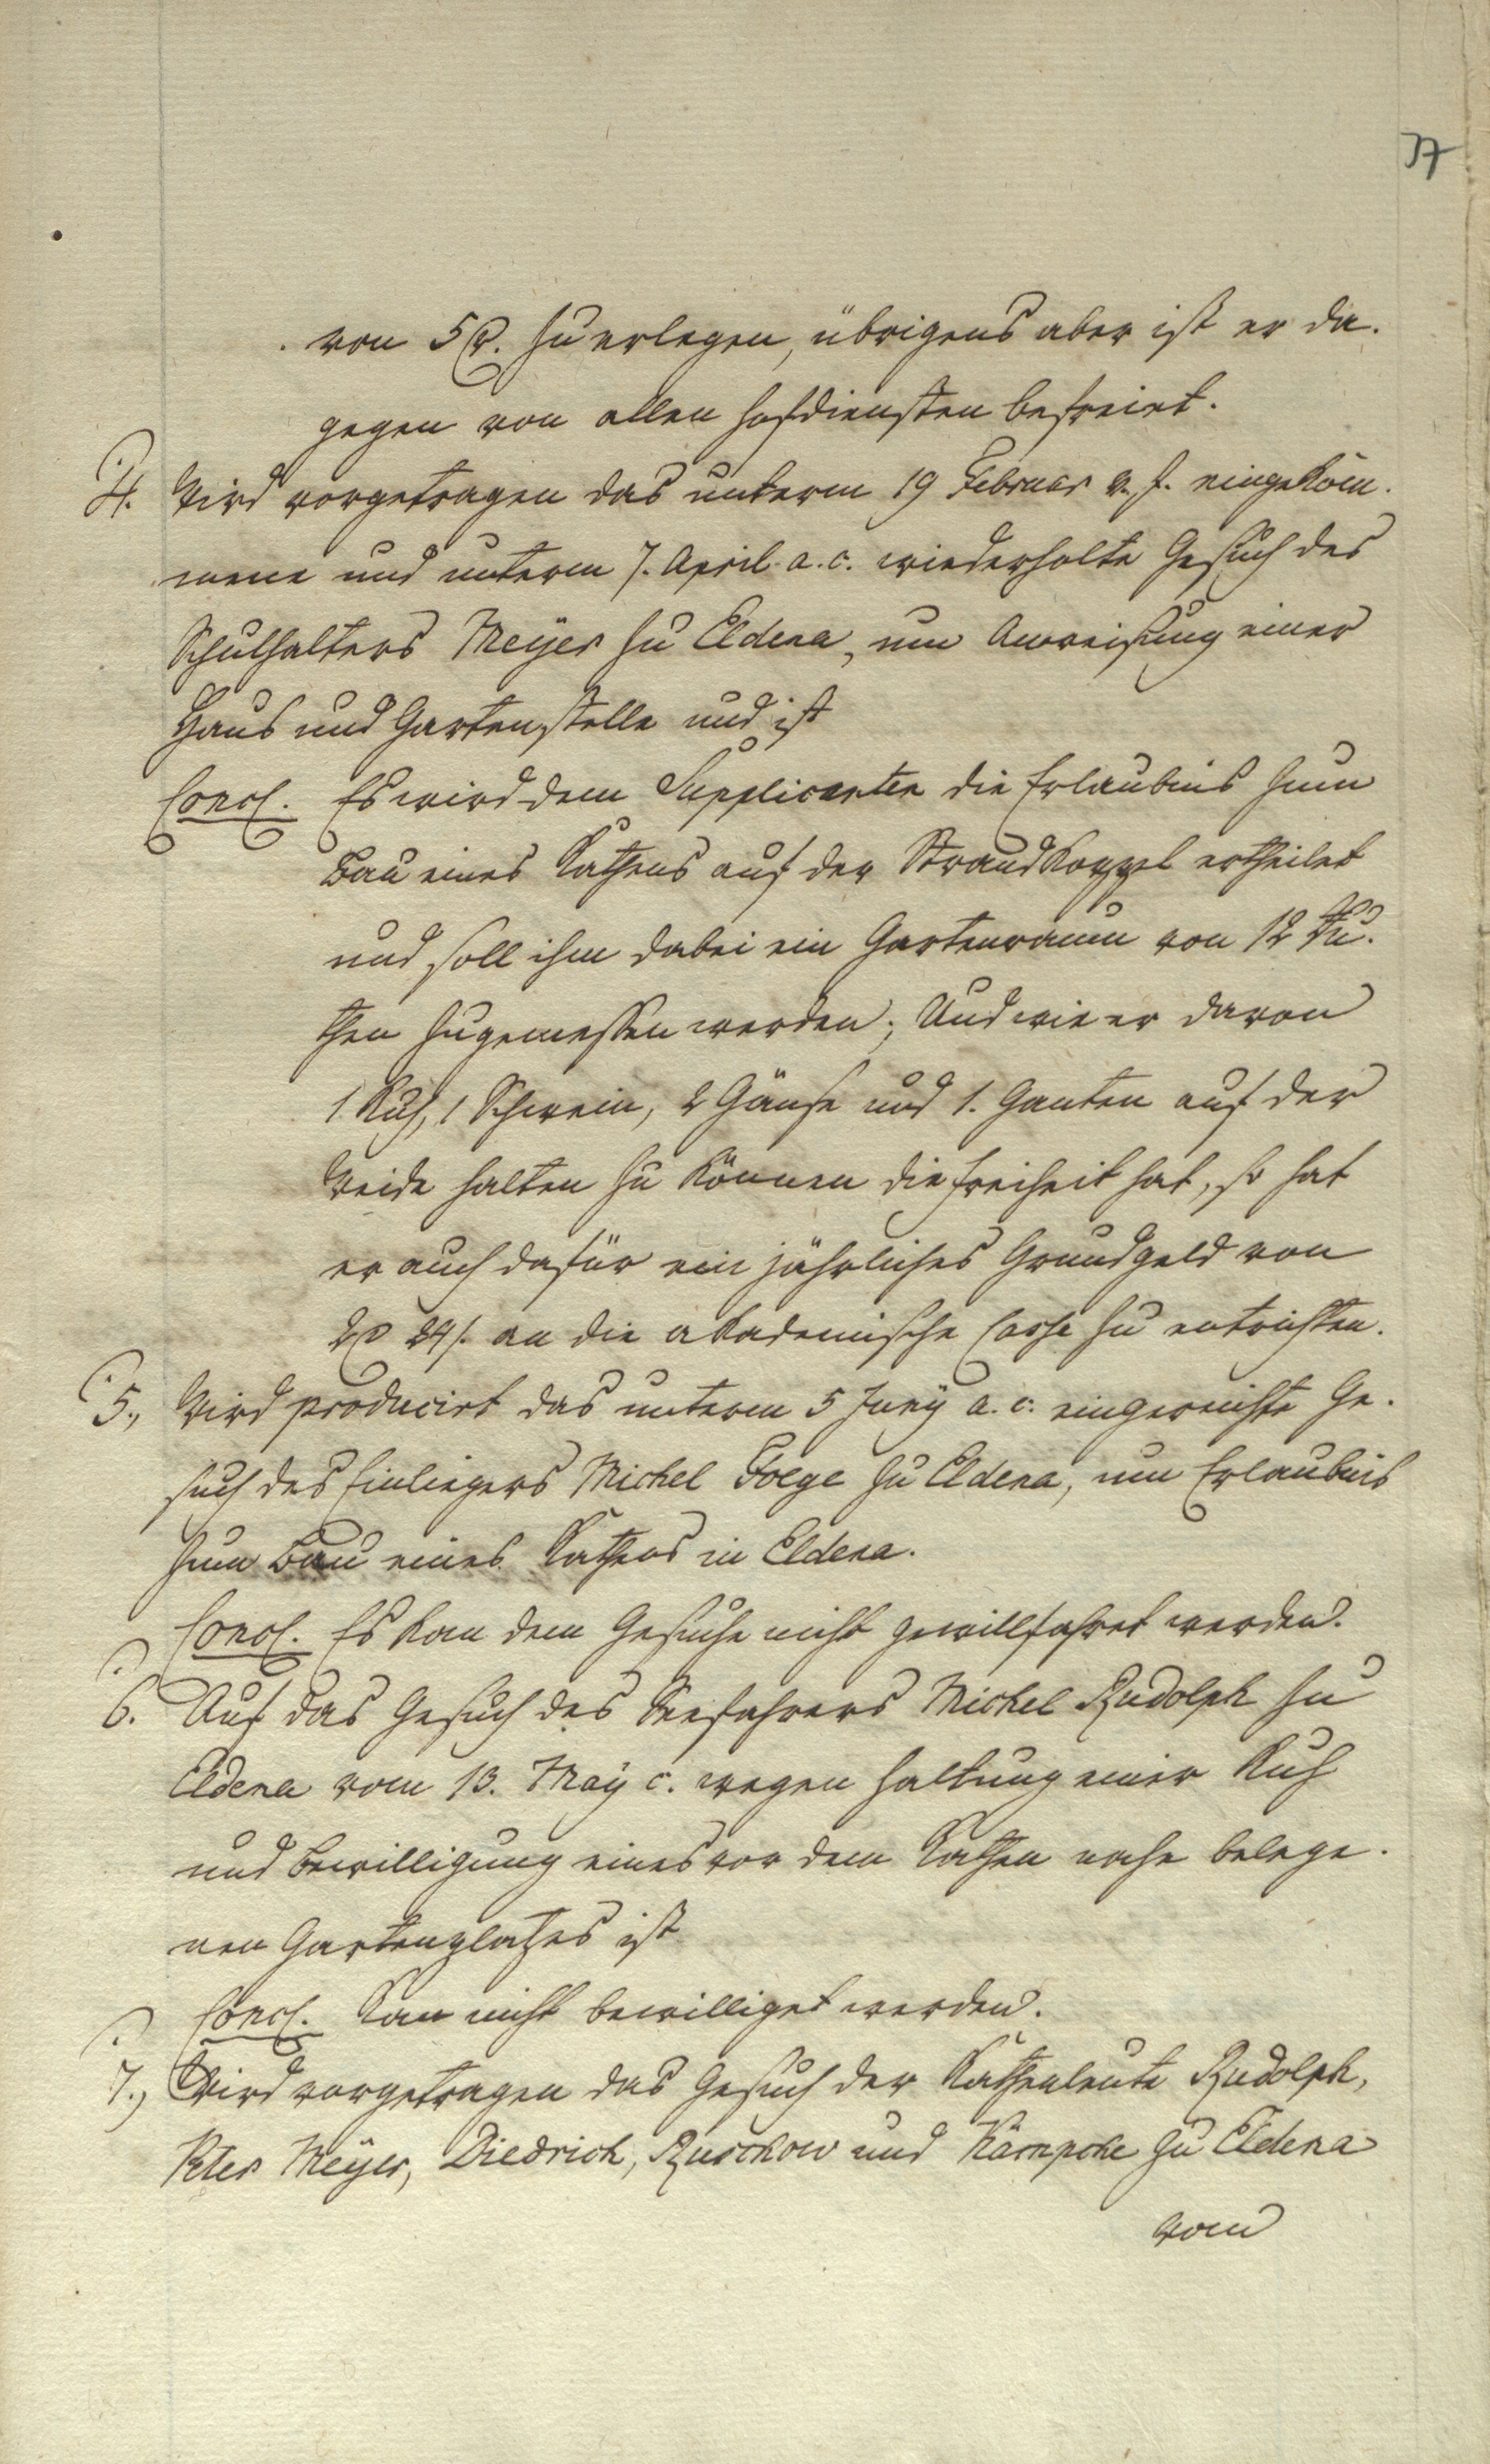von 5 l. zuerlegen, übrigens aber ist er da¬
gegen von allen Hofdiensten befreiet.
4. Wird vorgetragen das unterm 19 Februar v. J. eingekom¬
mene und unterm 7. April a. c. wiederholte Gesuch des
Schulhalters Meÿer zu Eldena, um Anweisung einer
Haus und Gartenstelle und ist
Concl. Es wird dem Supplicanten die Erlaubnis zum
Bau eines Kathens auf der Strandkoppel ertheilet
und soll ihm dabei ein Gartenraum von 12 Ru¬
then zugemessen werden; Und wie er davon
1 Kuh, 1 Schwein, 2 Gänse und 1. Ganten auf der
Weide halten zu können die Freiheit hat, so hat
er auch dafür ein jährliches Grundgeld von
2 l. 24 s. an die akademische Casse zu entrichten.
5., Wird producirt das unterm 5 Junÿ a. c. eingereichte Ge¬
such des Einliegers Michel Folge zu Eldena, um Erlaubnis
zum Bau eines Kathens in Eldena.
Concl. Es kan dem Gesuche nicht gewillfahret werden.
6. Auf das Gesuch des Seefahrers Michel Rudolph zu
Eldena vom 10. Maÿ c. wegen Haltung einer Kuh
und Bewilligung eines vor dem Kathen nahe belege-
nen Gartenplatzes ist.
Concl. Kan nicht bewilliget werden.
7., Wird vorgetragen das Gesuch der Kathenleute Rudolph,
Peter Meÿer. Diedrich, Rucckow und Kämpcke zu Eldena
vom